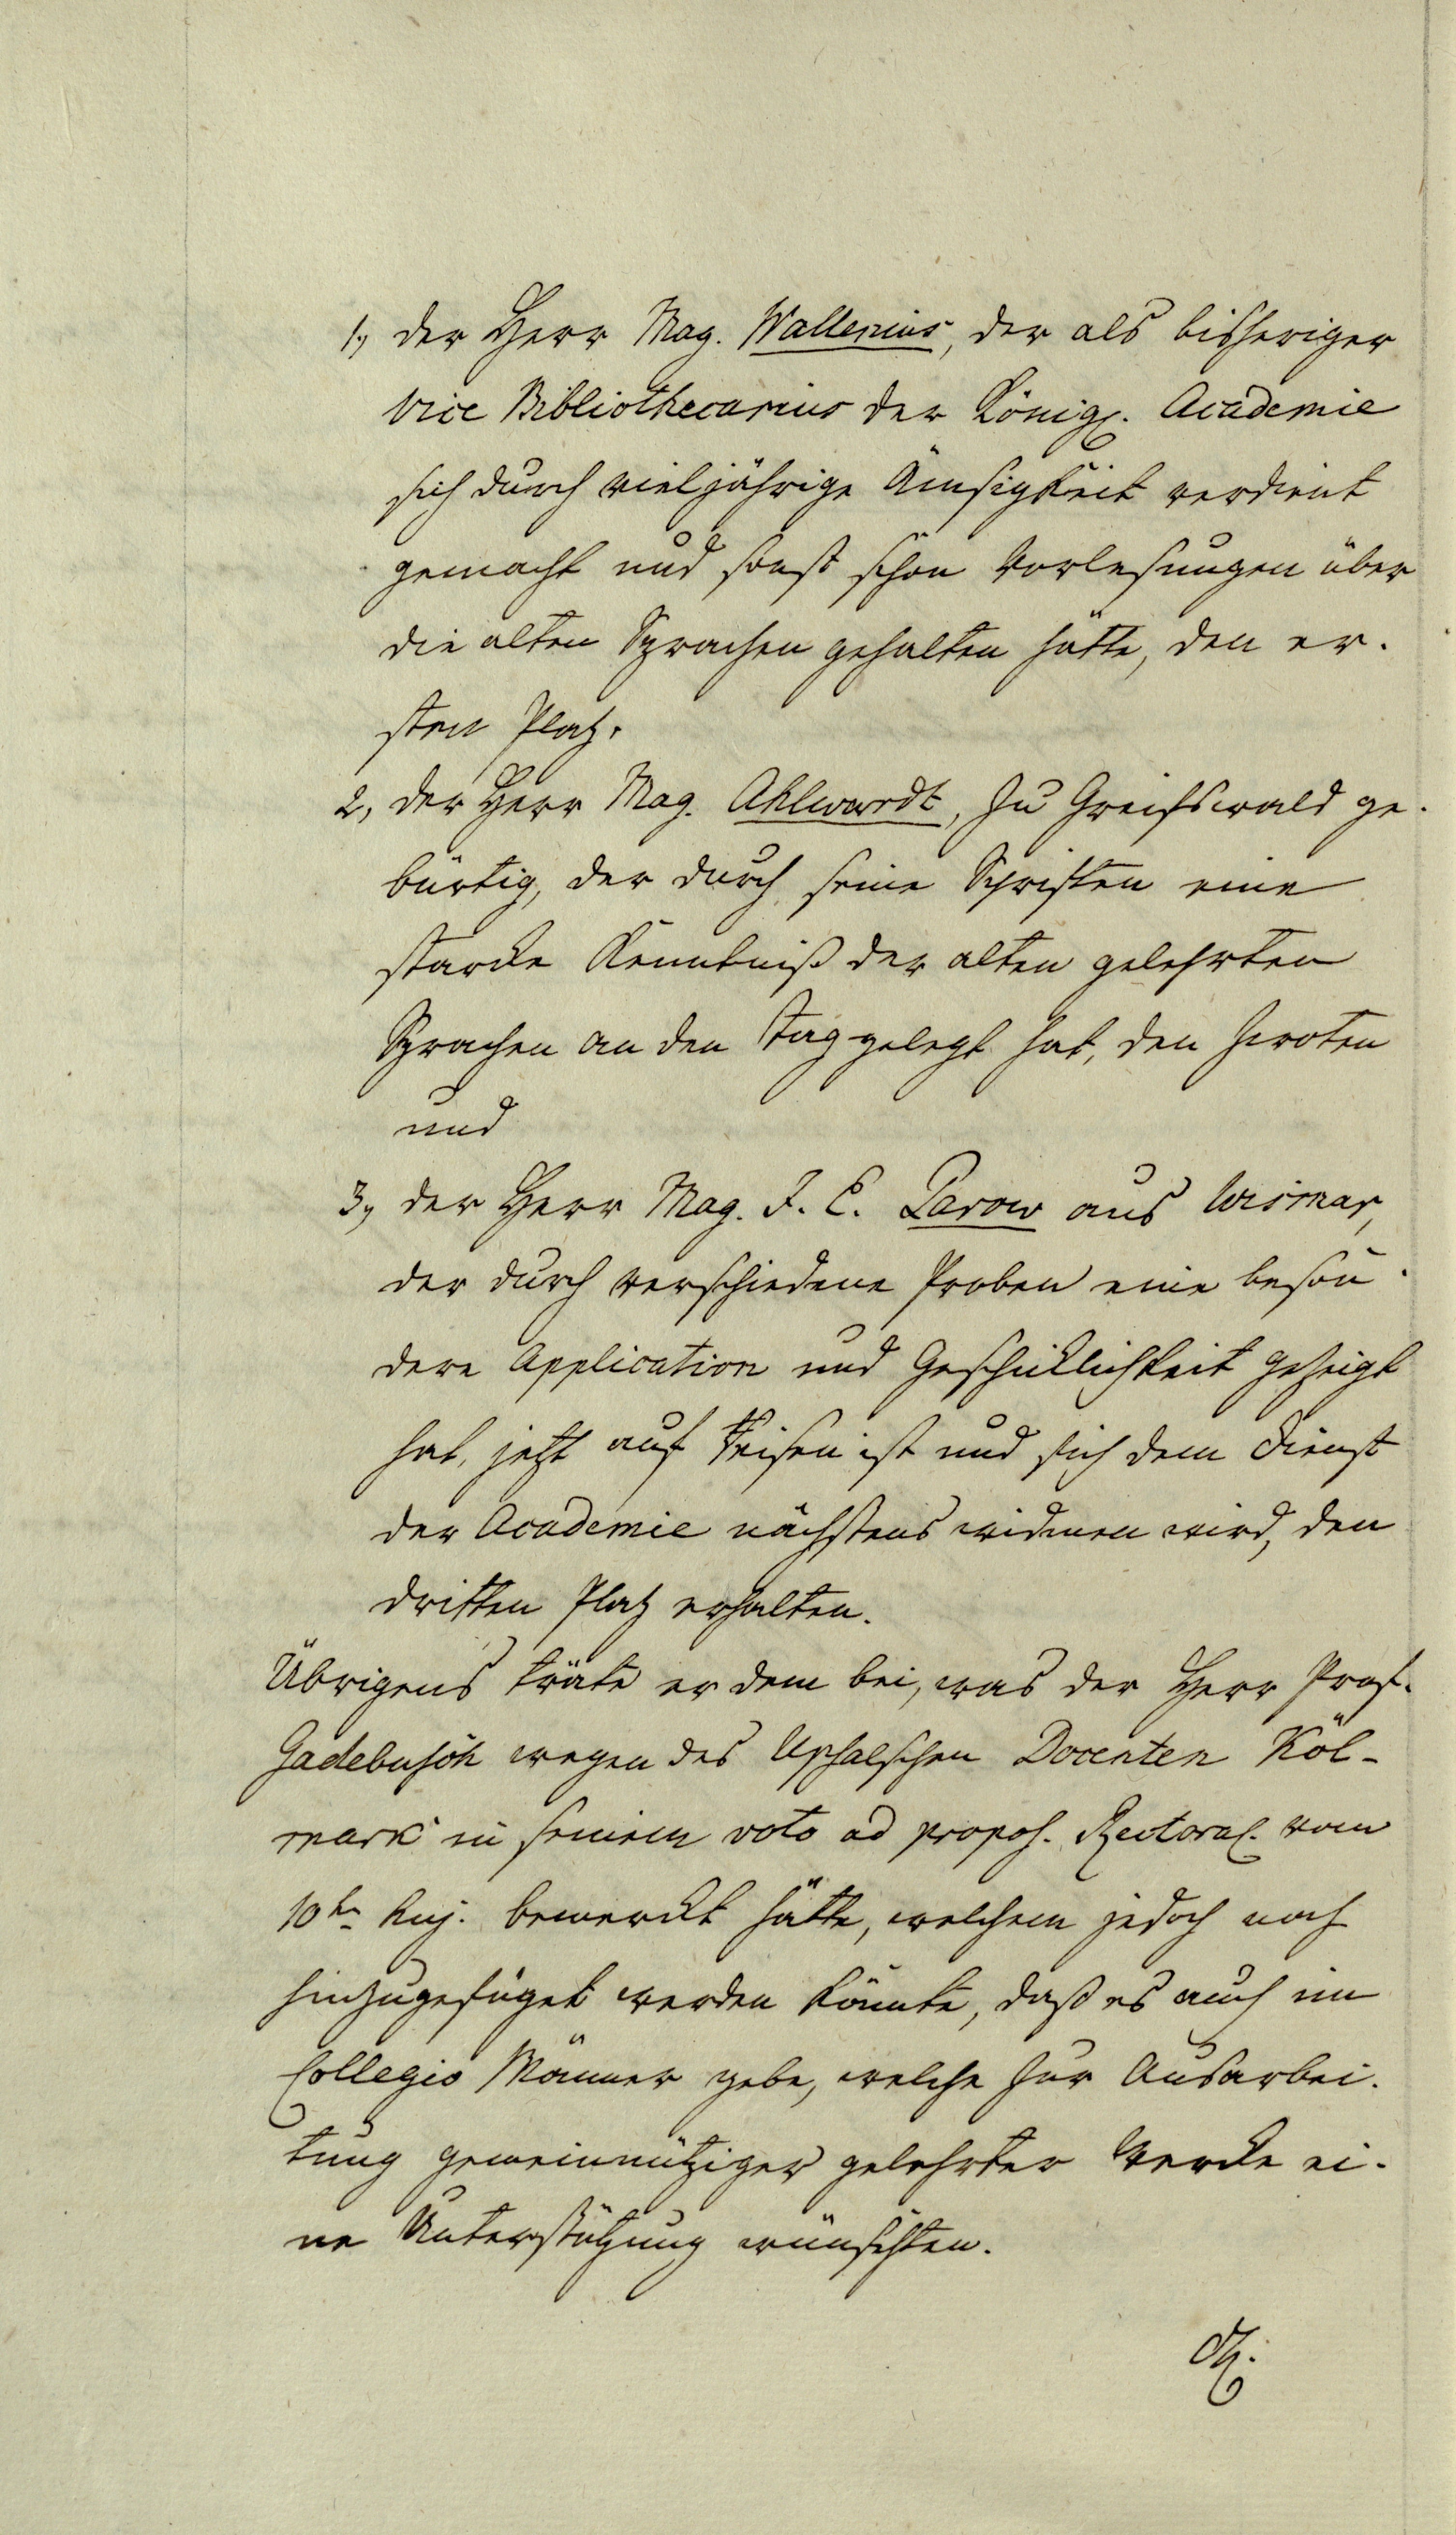1., der Herr Mag. Wallenius, der als bisheriger
Vice Bibliothecarius der Königl. Academie
sich durch vieljährige Ämsigkeit verdient
gemacht und sonst schon Vorlesungen über
die alten Sprachen gehalten hätte, den er¬
sten Platz.
2., der Herr Mag. Ahlwardt, zu Greifswald ge¬
bürtig, der durch seine Schriften eine
starcke Kenntniß der alten gelehrten
Sprachen an den Tag gelegt hat, den zwoten
und
3., der Herr Mag. I. E. Larow aus Wismar,
der durch verschiedene Proben eine beson¬
dere Application und Geschicklichkeit gezeigt
hat, jetzt auf Reisen ist und sich dem Dienst
der Academie nächstens widmen wird, den
dritten Platz erhalten.
Übrigens träte er dem bei, was der Herr Prof.
Gadebusch wegen des Upsalschen Docenten Köl¬
mark in seinem voto ad propos. Rectoral. vom
10t. huj. bemerckt hätte, welchem jedoch noch
hinzugefügt werden könnte, daß es auch im
Collegio Männer gebe, welche zur Ausarbei¬
tung gemeinnütziger gelehrter Wercke ei¬
ne Unterstützung wünschten.
dh.